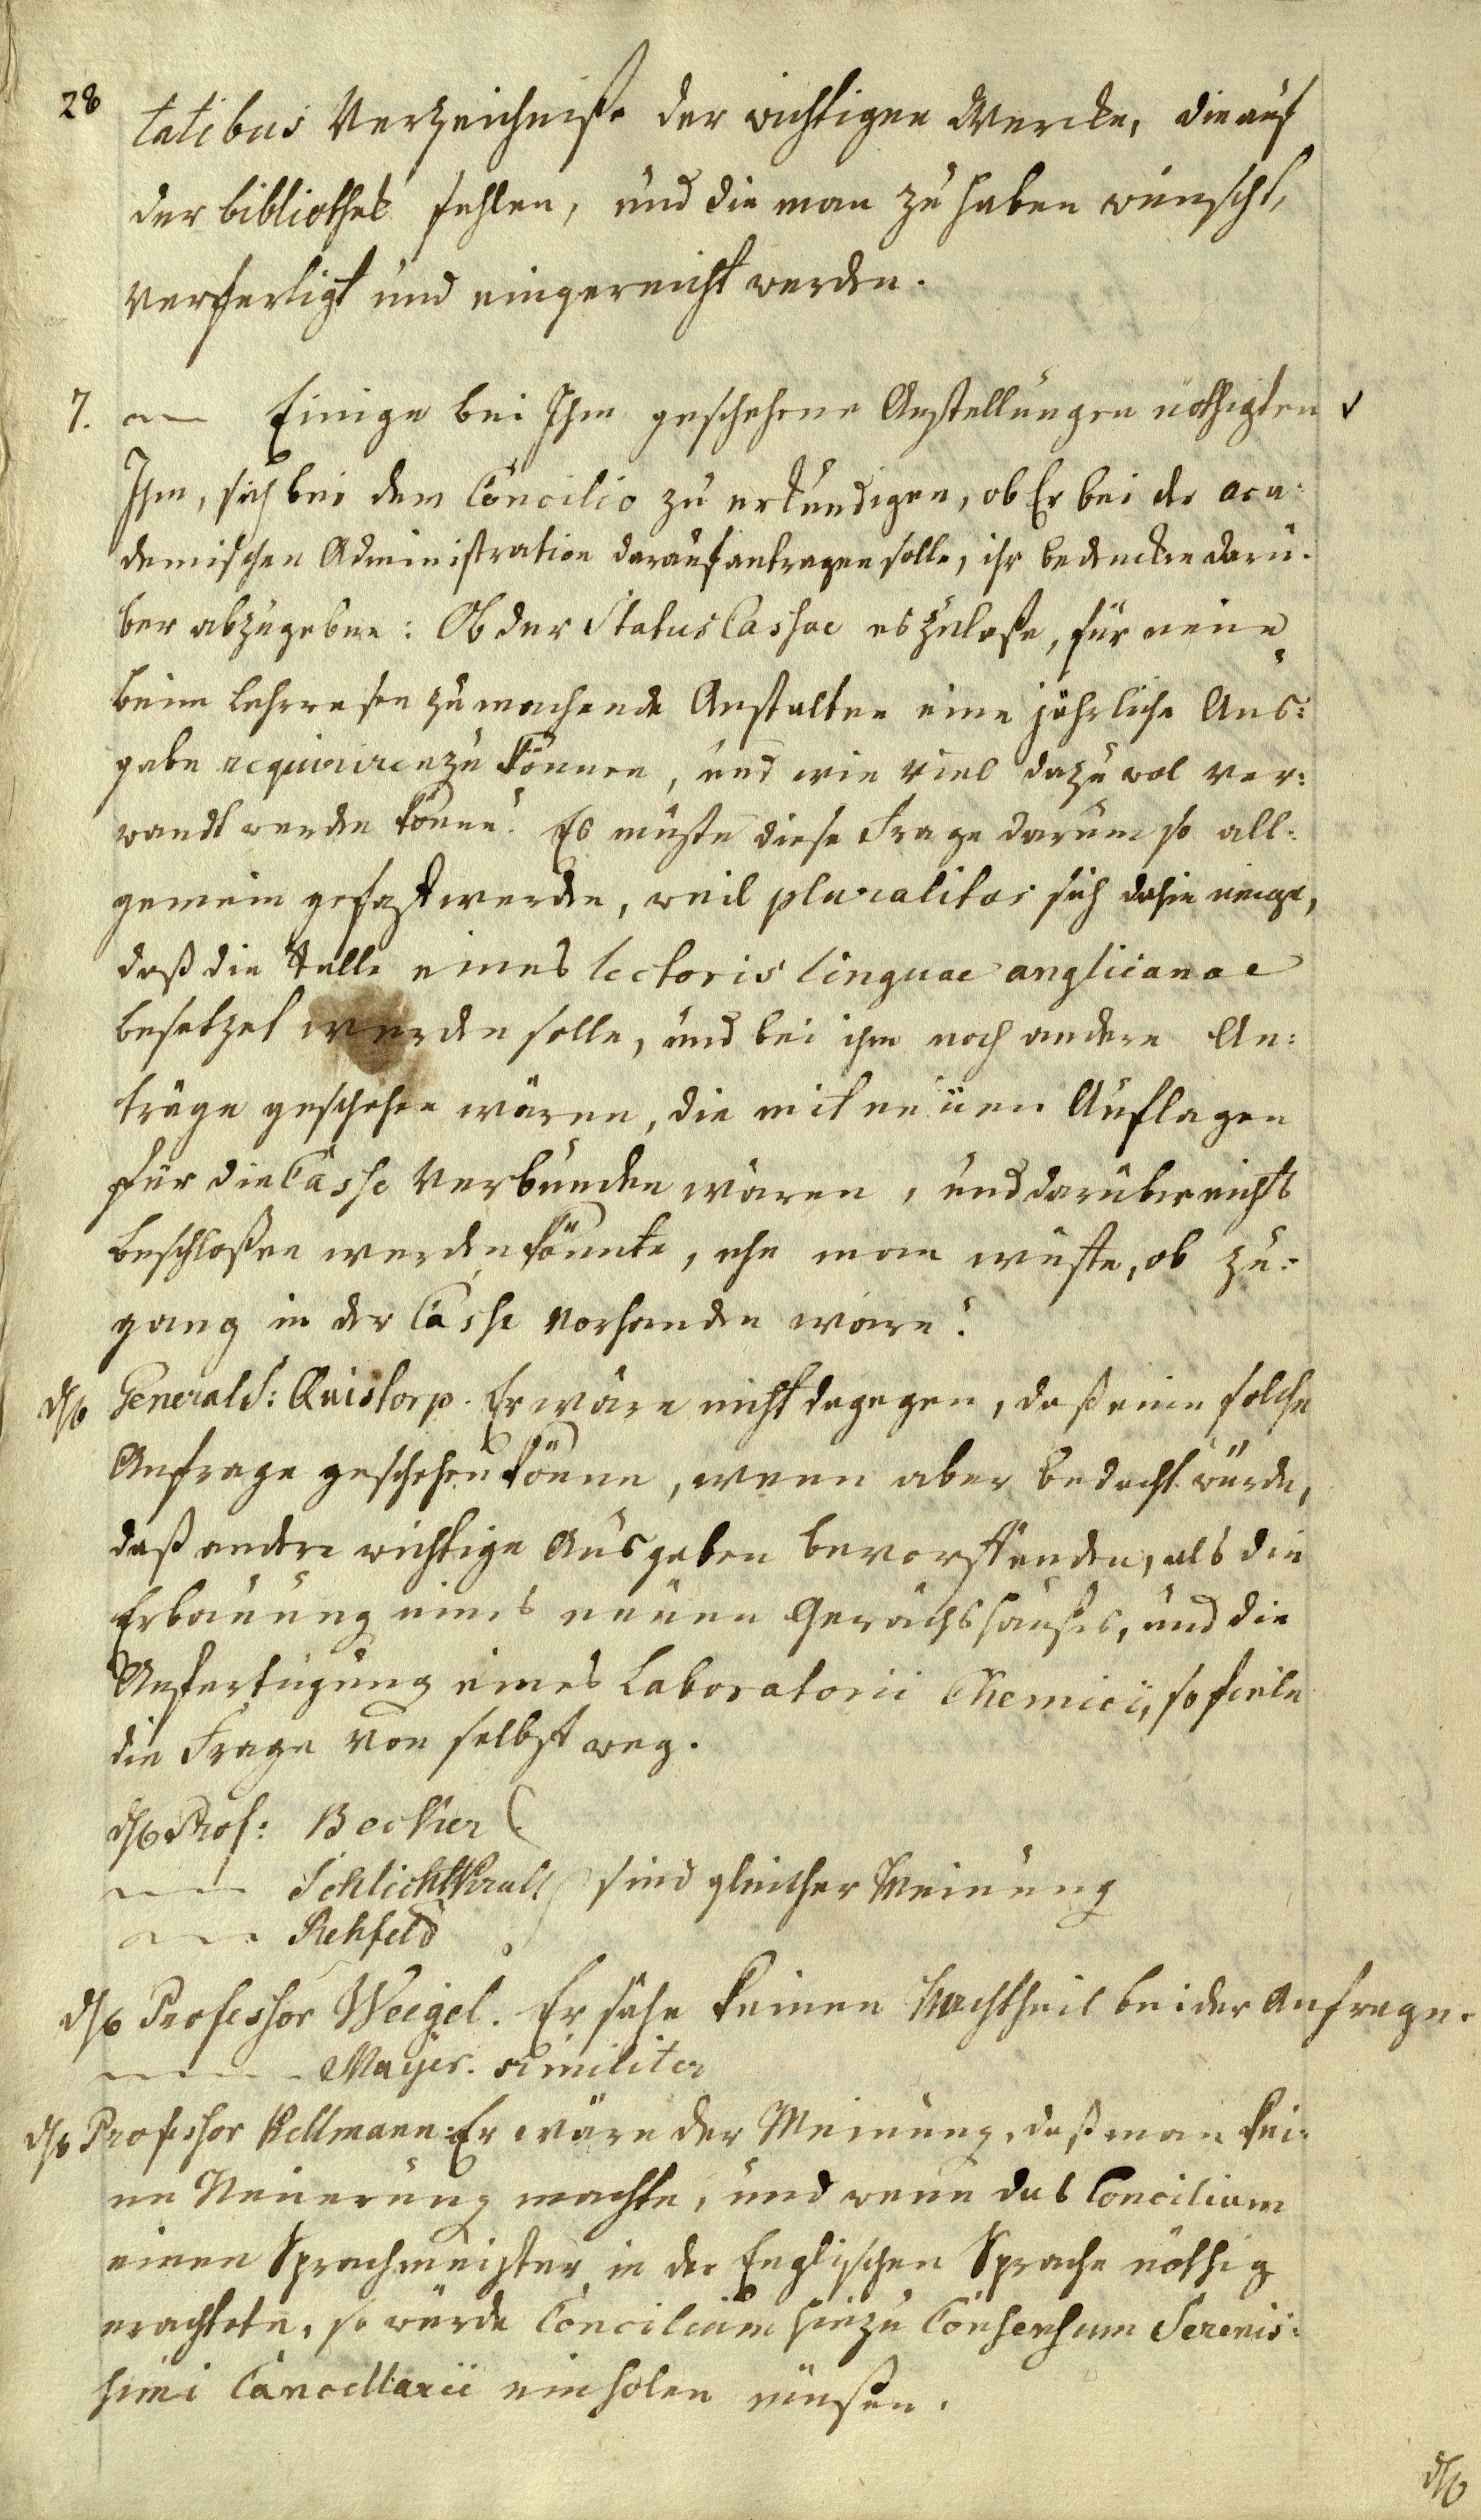tatibus Verzeichniße der wichtigen Wercke, die auf
der bibliothek fehlen, und die man zu haben wünscht,
verfertiget und eingereicht werden.
7. Einige bei Ihm geschehene Anstellungen nöthigten
Ihm, sich bei dem Concilio zu erkundigen, ob Er bei der Aca¬
demischen Administration darauf antragen solte, ihr Bedencken darü¬
ber abzugeben: Ob der Status Cassae es zulaße, für neue
beim Lehrwesen zu machende Anstalten eine jährliche Aus¬
gabe requiriren zu können, und wie viel dazu wol ver¬
wandt werden könne? Es müste diese Frage darum so all¬
gemein gefast werden, weil pluralitas sich dahin neige,
daß die Stelle eines lectoris linguae anglicanae
besetzet werden solle, und bei ihm noch andere An¬
träge geschehen wären, die mit neuen Auflagen
für die Casse verbunden wären, und darüber nichts
beschloßen werden könnte, ehe man wüste, ob Zu¬
gang in der Casse vorhanden wäre?
dh GeneralS. Quistorp. Er wäre nicht dagegen, daß eine solche
Anfrage geschehen könne, wenn aber bedacht würde,
daß andere wichtige Ausgaben bevorstünden, als die
Erbauung eines neuen Gewächshauses, und die
Anfertigung eines Laboratorii Chemici, so fiele
die Frage von selbst weg.
dh Prof. Becker
Schlichtkrull sind gleicher Meinung
Rehfeld
dh Professor Weigel. Er sähe keinen Nachtheil bei der Anfrage.
Maÿer similiter
dh Professor Kellmann. Er wäre der Meinung, daß man kei¬
ne Neuerung machte, und wenn das Concilium
einen Sprachmeister in der Englischen Sprache nöthig
erachtete, so würde Concilium hiezu Consensum Serenis¬
simi Cancellarii einholen müßen.